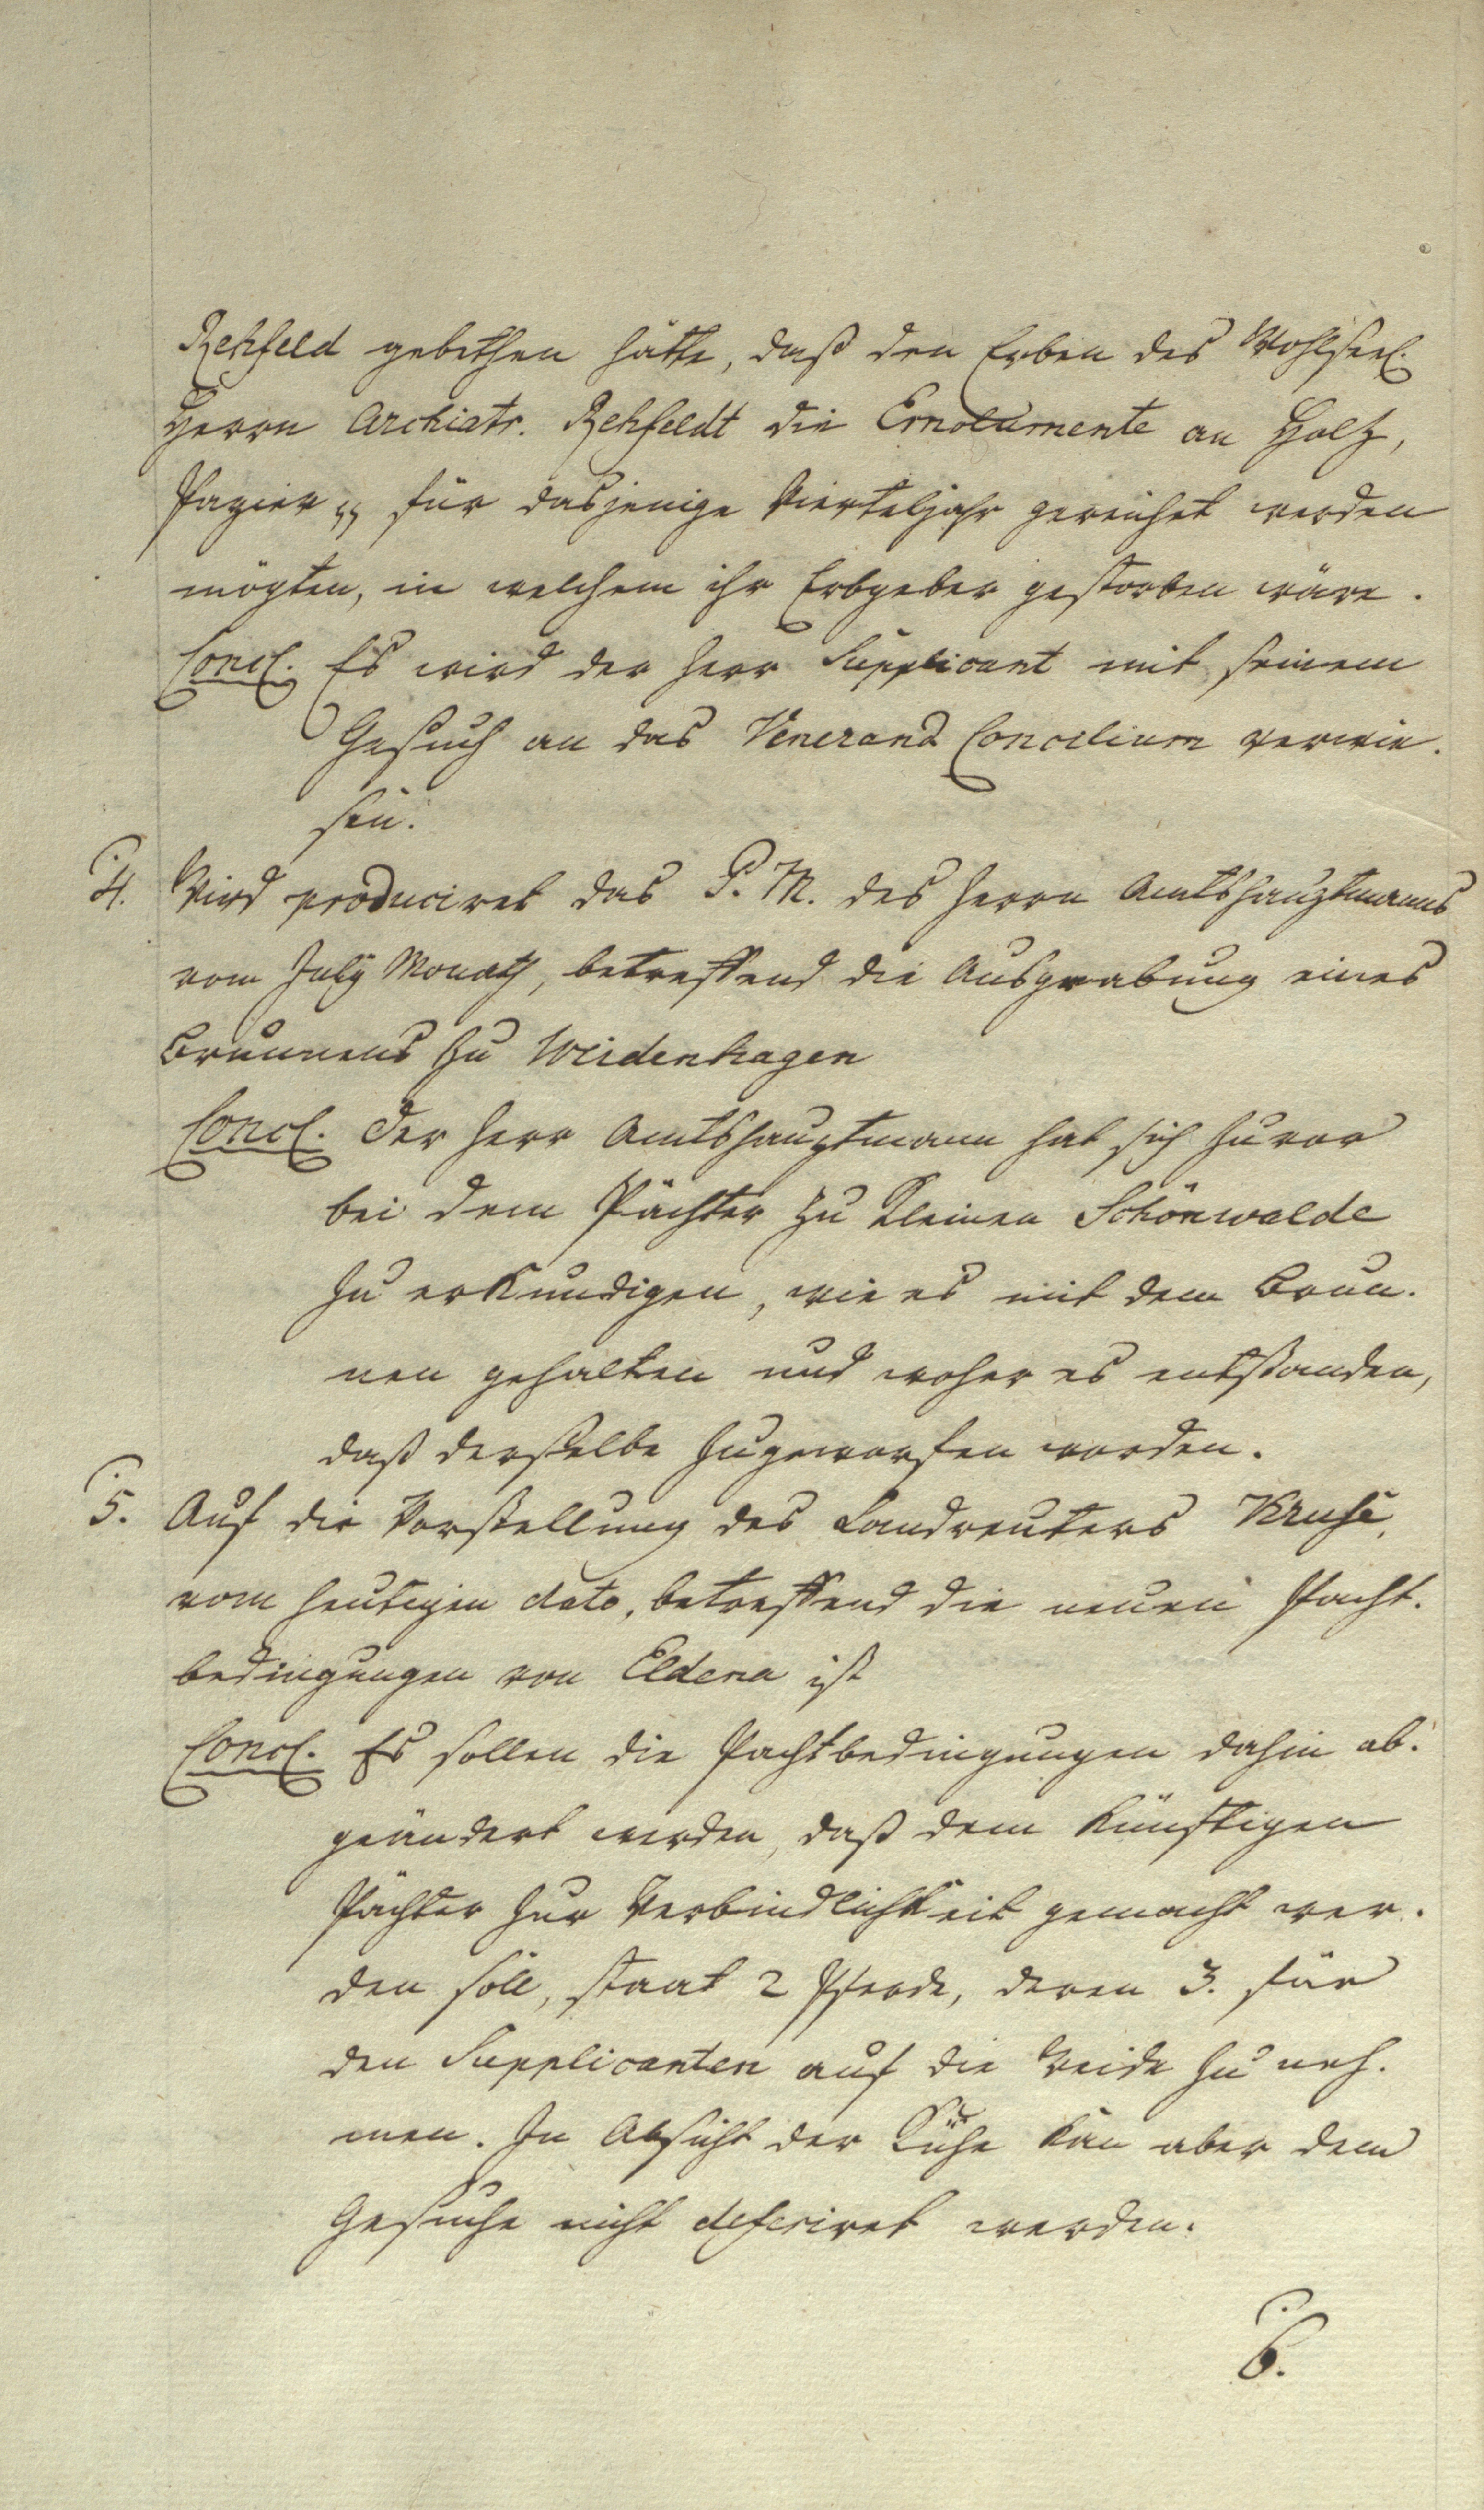Rehfeld gebethen hätte, daß den Erben des Wohlseel.
Herrn Archiatr. Rehfeldt die Emolumente an Holz,
Papier für dasjenige Vierteljahr gereichet werden
mögten, in welchem ihr Erbgeber gestorben wäre.
Concl. Es wird der Herr Supplicant mit seinem
Gesuch an das Venerand. Concilium verwie¬
sen.
4. Wird produciret das P. M. des Herrn Amtshauptmanns
vom Julÿ Monath, betreffend die Ausgrabung eines
Brunnens zu Weidenhagen
Concl. Der Herr Amtshauptmann hat sich zuvor
bei dem Pächter zu Kleinen Schönwalde
zu erkundigen, wie es mit dem Brun¬
nen gehalten und woher es entstanden,
daß derselbe zugeworfen worden.
5. Auf die Vorstellung des Landreuters Kruse,
vom heutigen dato, betreffend die neuen Pacht¬
bedingungen von Eldena ist
Concl. Es sollen die Pachtbedingungen dahin ab¬
geändert werden, daß dem künftigen
Pächter zur Verbindlichkeit gemacht wer¬
den soll, staat 2 Pferde, deren 3. für
den Supplicanten auf die Weide zu neh-
men. In Absicht der Kühe kan aber dem
Gesuche nicht deferiret werden.
6.